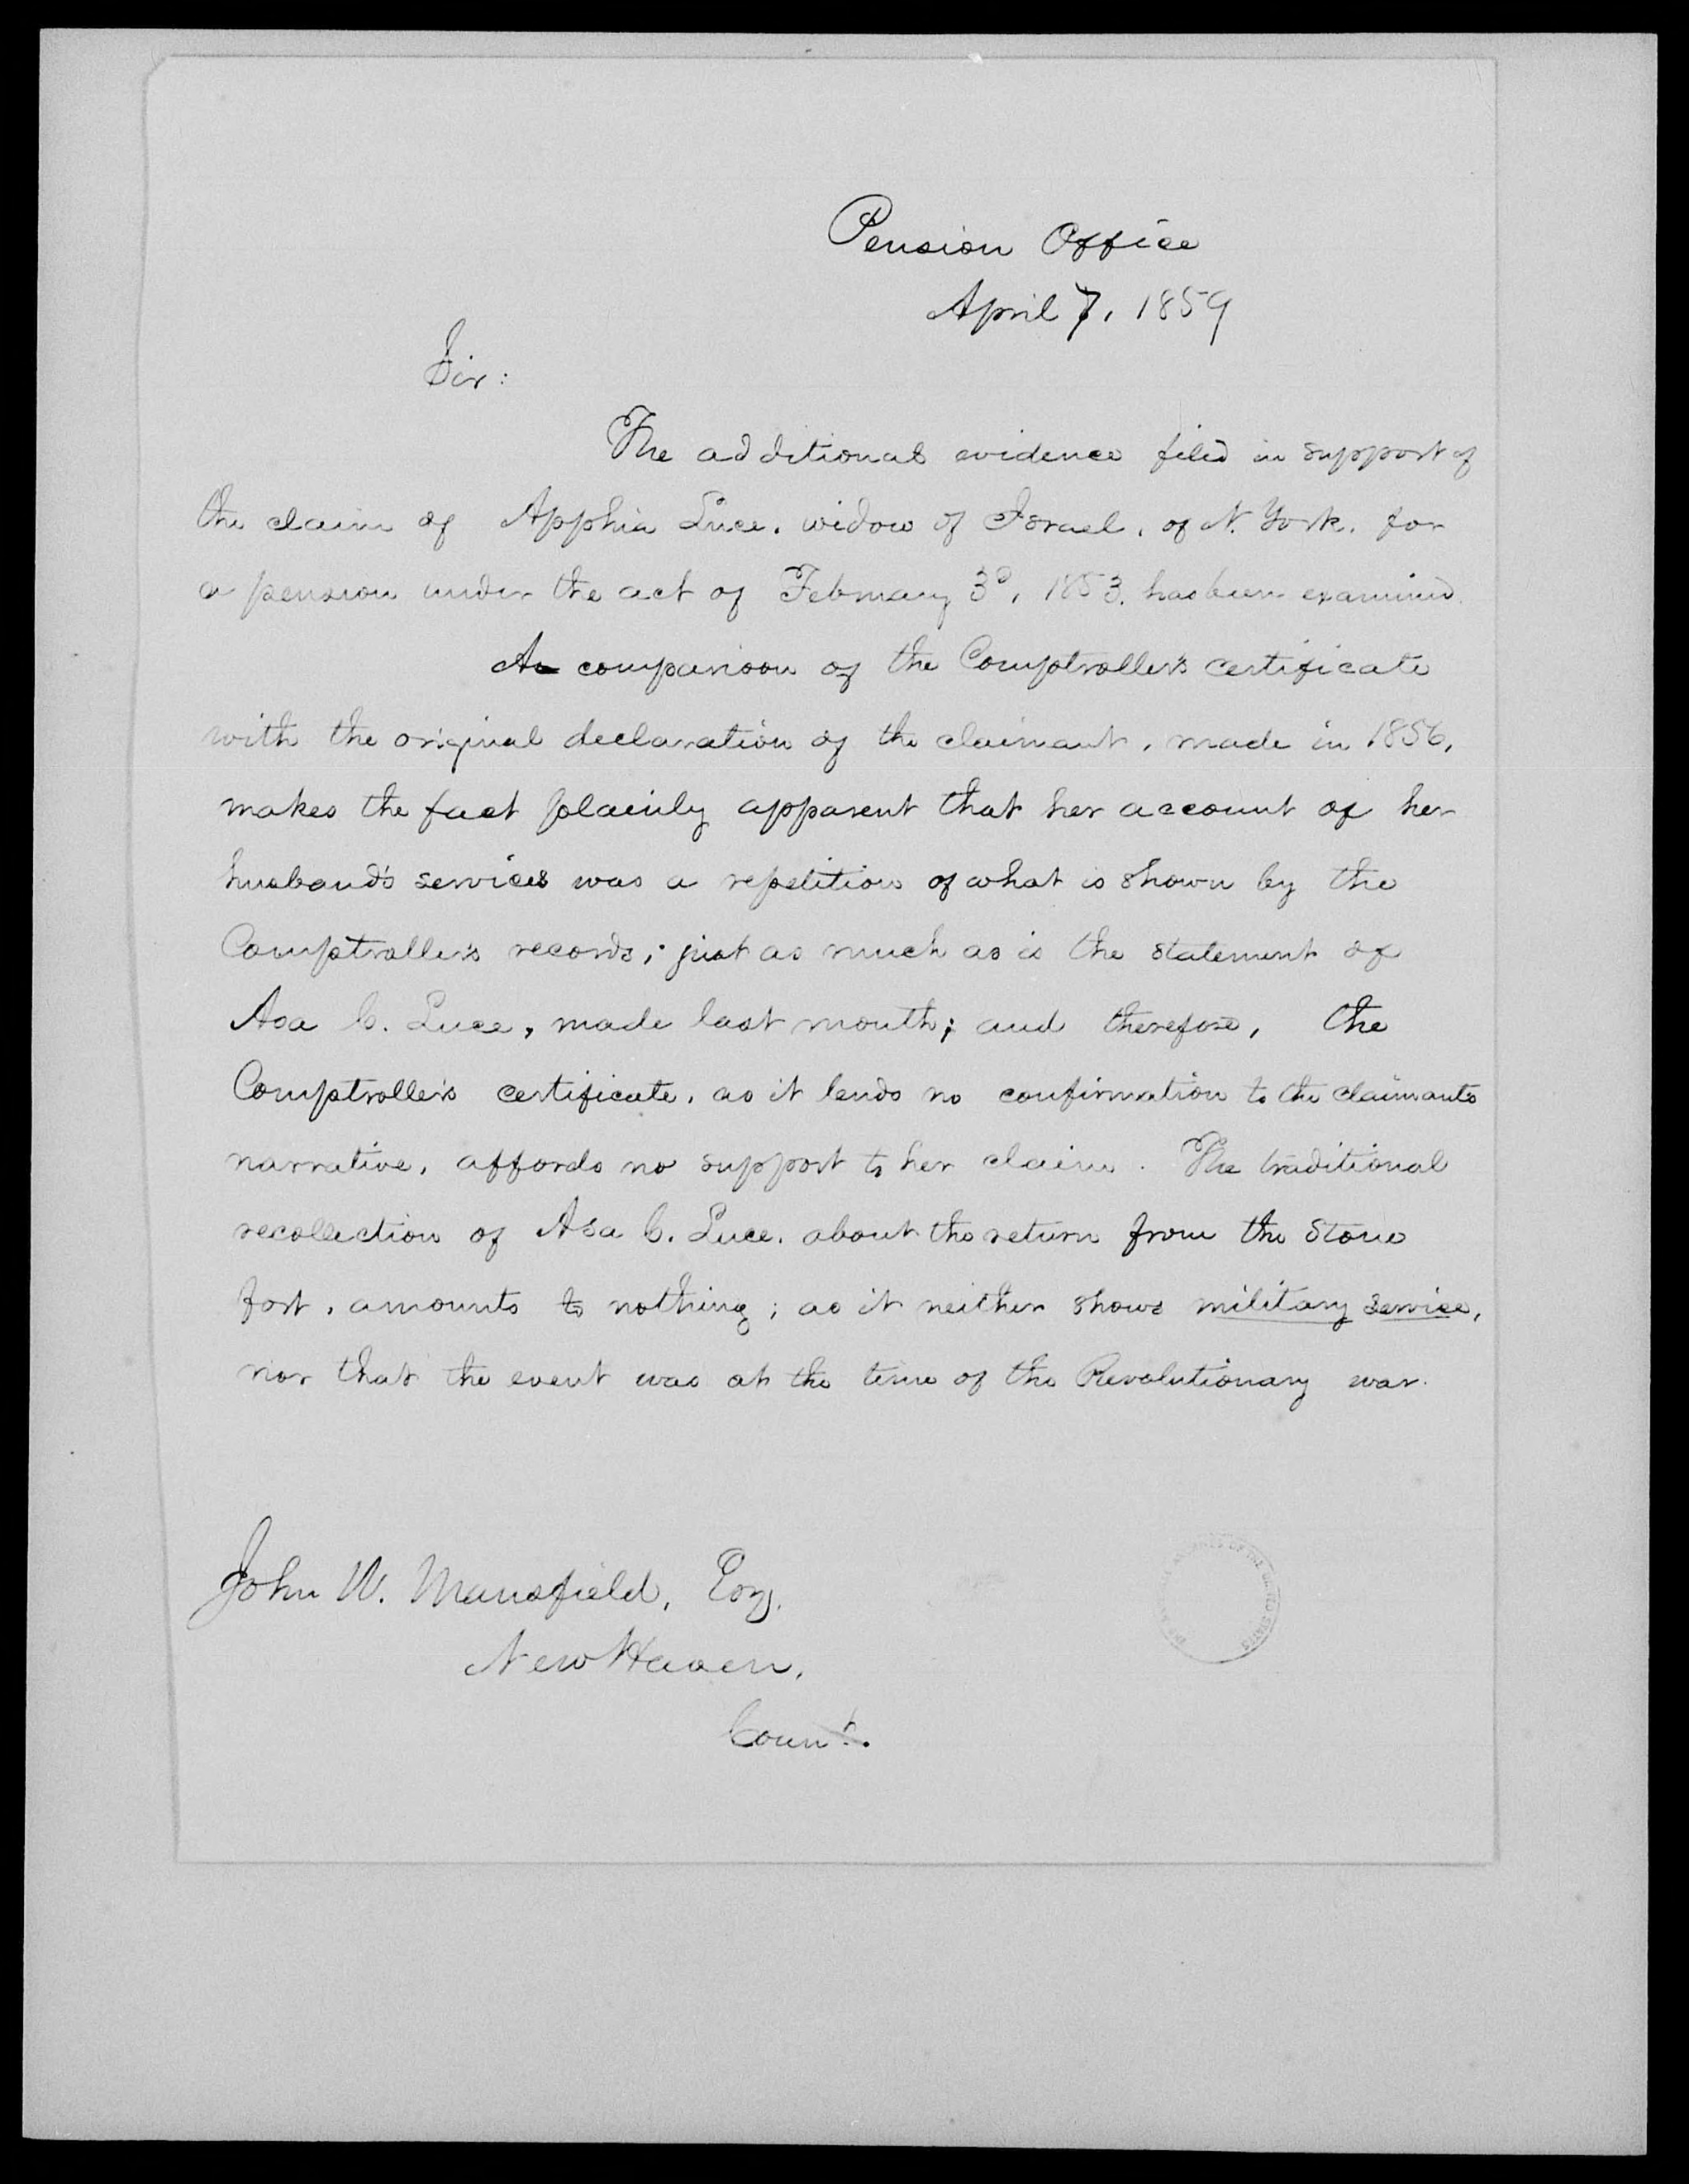Pension Office
April 7, 1859

Sir:

The additional evidence filed in support of the claim of Apphia Luce, widow of Israel, of N.York. for a pension under the act of February 3rd, 1853 has been examined.

A comparison of the Comptroller's certificate with the original declaration of the claimant, made in 1856, makes the fact plainly apparent that her account of her husband's services was a repetition of what is shown by the Comptroller's records; just as much as is the statement of Asa C. Luce, made last month; and therefore, the Comptroller's certificate, as it lends no confirmation to the claimants narrative, affords no support to her claim.  The traditional recollection of Asa C. Luce about the return from the Stone Fort, amounts to nothing; as it neither shows military service, nor that the event was at the time of the Revolutionary war.

[signed]
John W. Mansfield, Esq.
New Haven,
Conn.

[stamped]
THE NATIONAL ARCHIVES OF THE UNITED STATES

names: Asa C Luce; John W Mansfield; Israel [BLANK]; Apphia Luce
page: 37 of 70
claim: rejected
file: R. 6510, for Israel Luce, New York